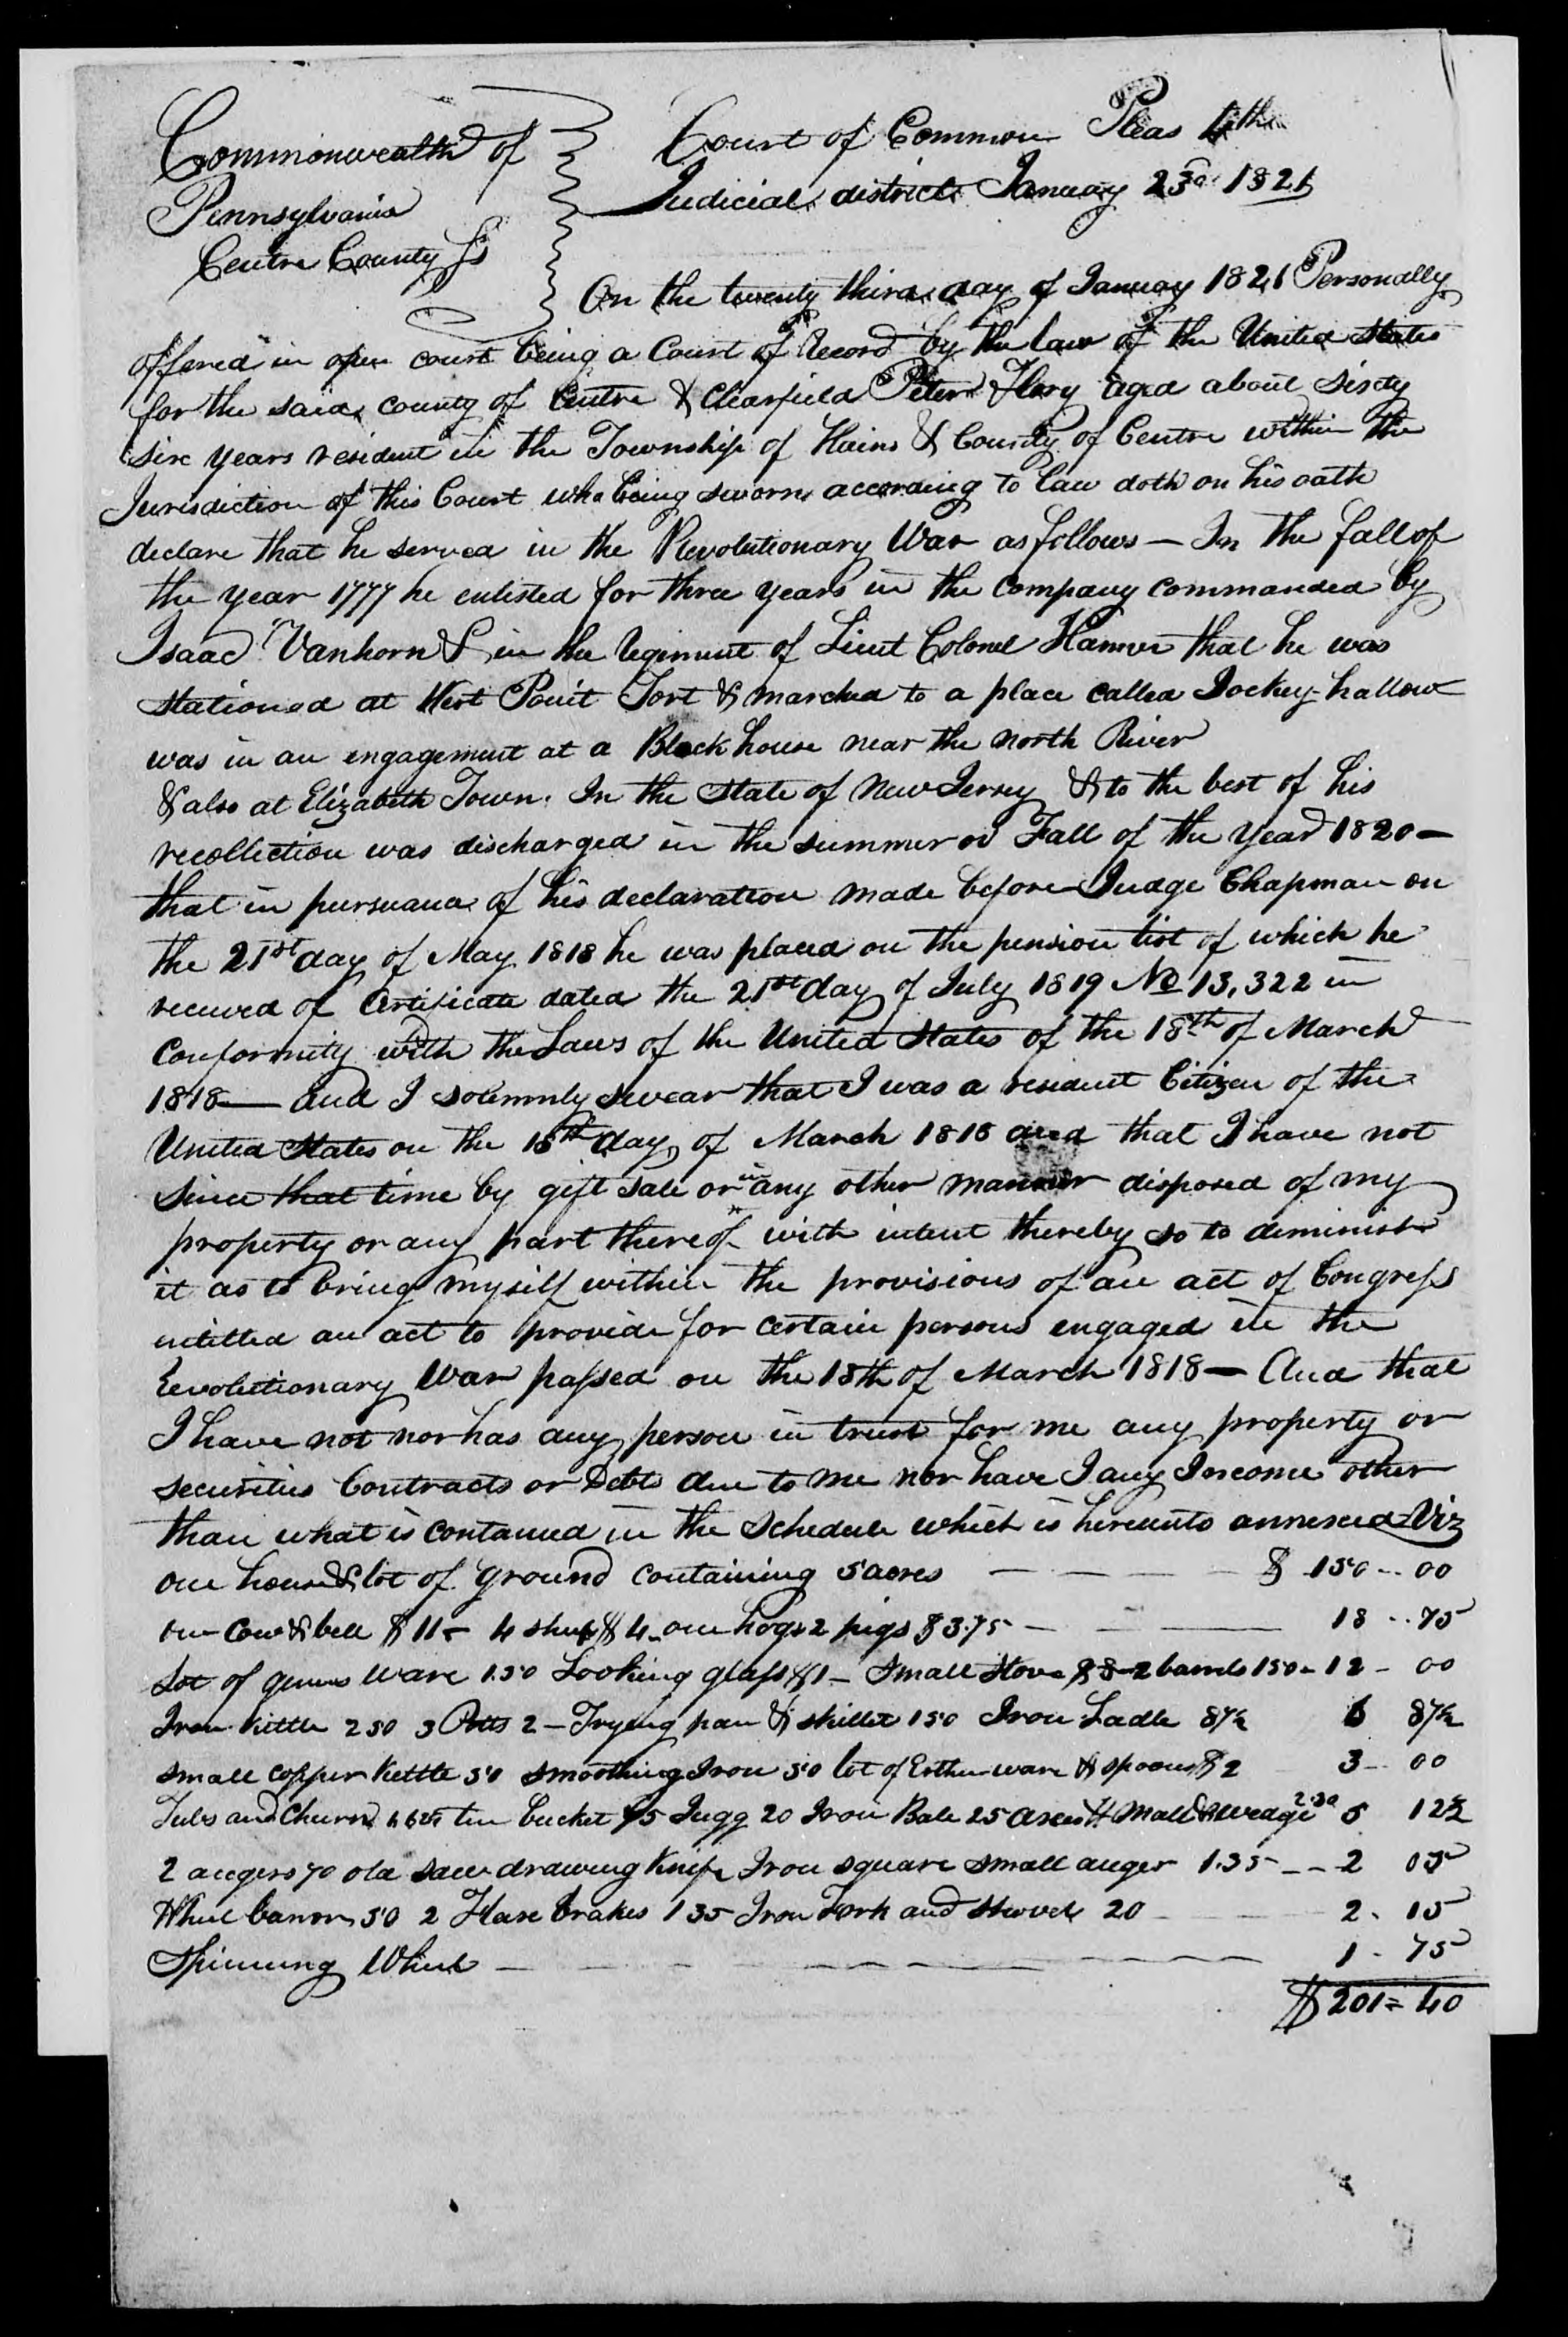Commonwealth of Pennsylvania 
Centre County
Court of Common Pleas .....
Judicial district January 23rd 1821

On the twenty third day of January 1821 Personally offered in open court being a Court of Record by the law of the United States for the said county of Centre & Clearfield Peter Flory aged about sixty six years resident in the Township of Hains & County of Centre within the Jurisdiction of this Court who being sworn according to the law doth on his oath declare that he served in the Revolutionary War as follows - In the fall of the year 1777 he enlisted for three years in the company commanded by Issac Vanhorn & in the regiment of Lieut Colonel Hanover that he was stationed at West Point Fort & marched to a place called Jockey hollow was in an engagement at a Blackhouse near the north River & also at Elizabeth Town.  In the State of New Jersey & to the best of his recollection was discharged in the summer of Fall of the year 1820 that in pursuance of his declaration made before Judge Chapman on the 21st day of May 1818 he was placed on the pension list of which he received .. certificate dated the 21st day of July 1819 No 13,322 in the conformity with the Laws of the United States of the 18th of March 1818 - and I solemnly swear that I was a resident Citizen of the United States on the 18th day of March 1818 and that I have not since that time by gift sale or in any other manner disposed of my property or any part thereof with intent to diminish it as to bring myself within the provisions of an act of Congress entitled? an act of provide for certain persons engaged are  the Revolutionary War passed on the 18th of March 1818 - And that I have not nor has any perfon in the trust of me any property or securities Contracts or Debts due to me nor have I any Income other than what is contained in the Schedule which is hereunto ...........
our house & lot of ground containing 5 acres - - - - $150 - - 00
our cow & bell $11-  4 sheep $4  our hogs 2 pigs $3.75 18 - -75
Lot of ....ware 13.0 Looking glass $1- Small Stov & 2 barrels 15.0 - 12 - 00
Iron kittle 2 50 3 Potts 2- Frying pan & skillet 15.0 Iron Ladle 81/2      6  8/....
small copper kettle 5'0 smoothing Iron 5'0 lot Earthenware & spoons $2      3    00
Tubs and Churns ....tin bucket 5 Juff 20 Iron Bales 25 axes & small wedge 2.30    5  121/2
2 accgeso .. old saw drawing Knife Iron square small auger 1.55           2    05
Whis. banon 5'0 2 ..... Snakes 1 35 Iron Fork and Shovels 2.0     2.     10
Thinning Whisk........             1.  75
                                                    _____________
                                                    $201_40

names: Isaac Vanhorn, Peter Flory, Chapman, Flarence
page: 9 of 11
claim: survivor's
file: S. 42,197, Peter Flory, Penn.